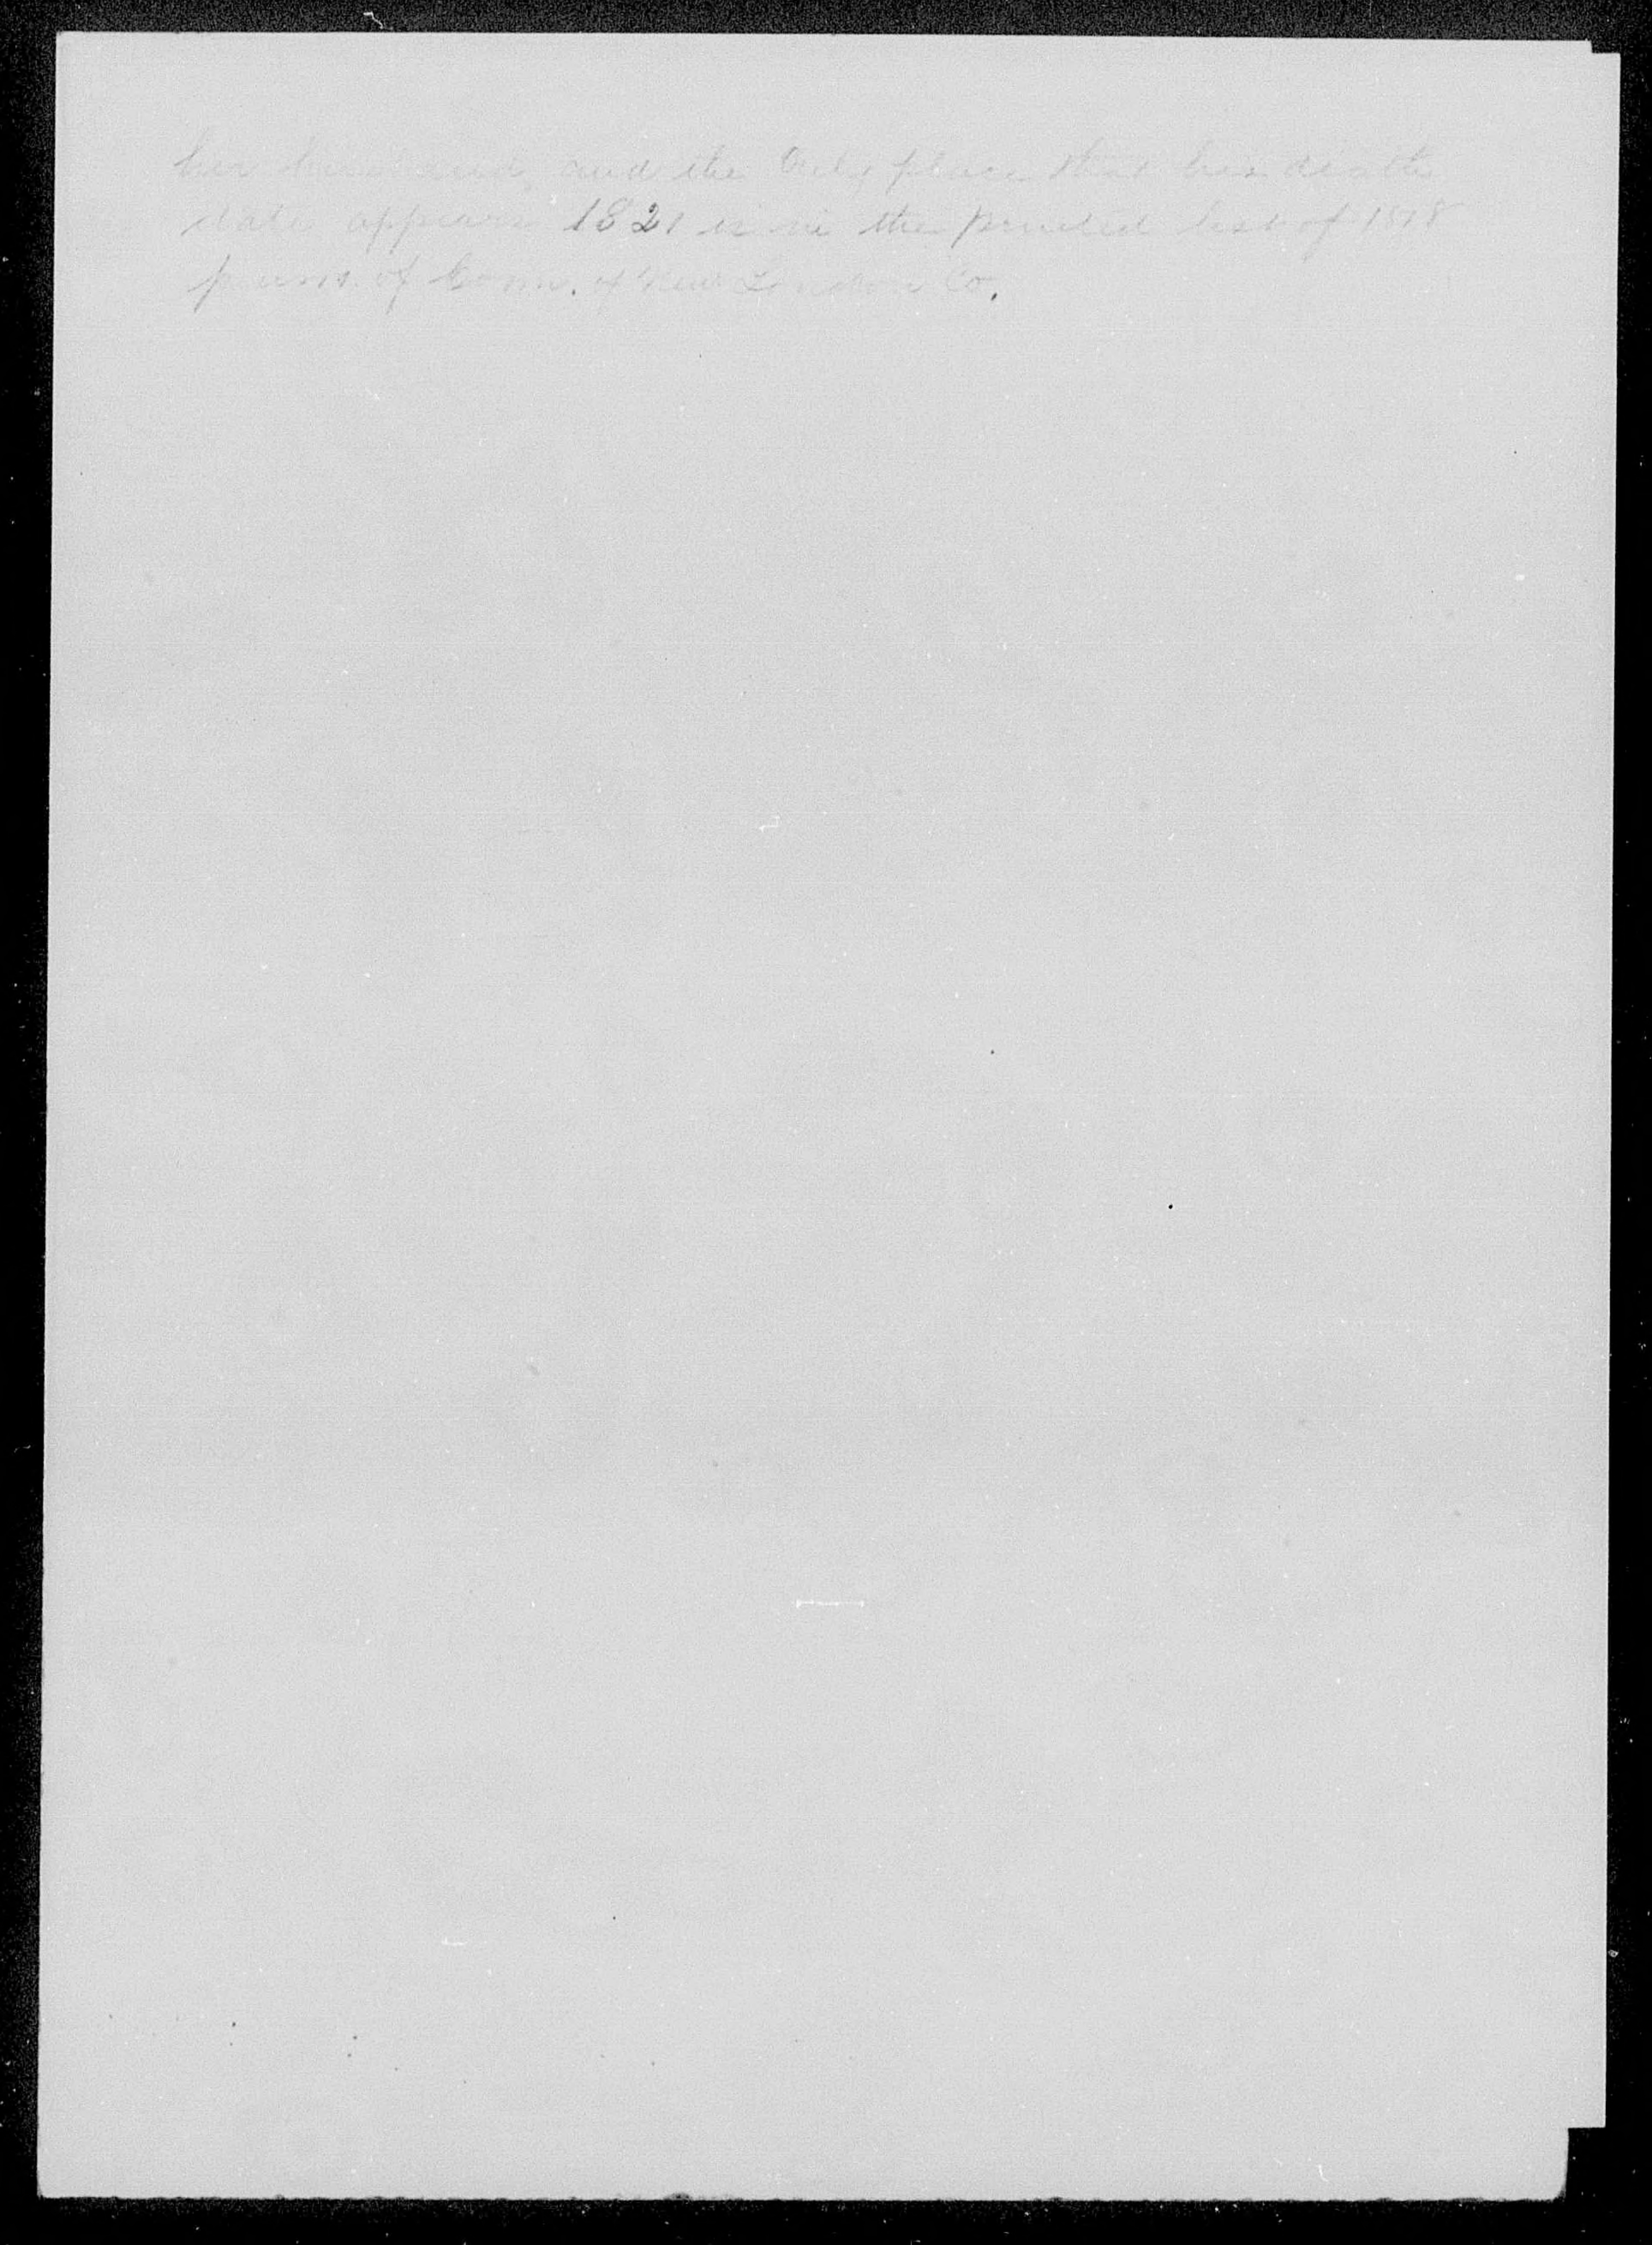her husband and the only place that his death date appears 1821 is in the printed list of 1878 persons of Conn of New London Co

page: 33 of 66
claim: widow's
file: W 1850, David Gardner, Conn.